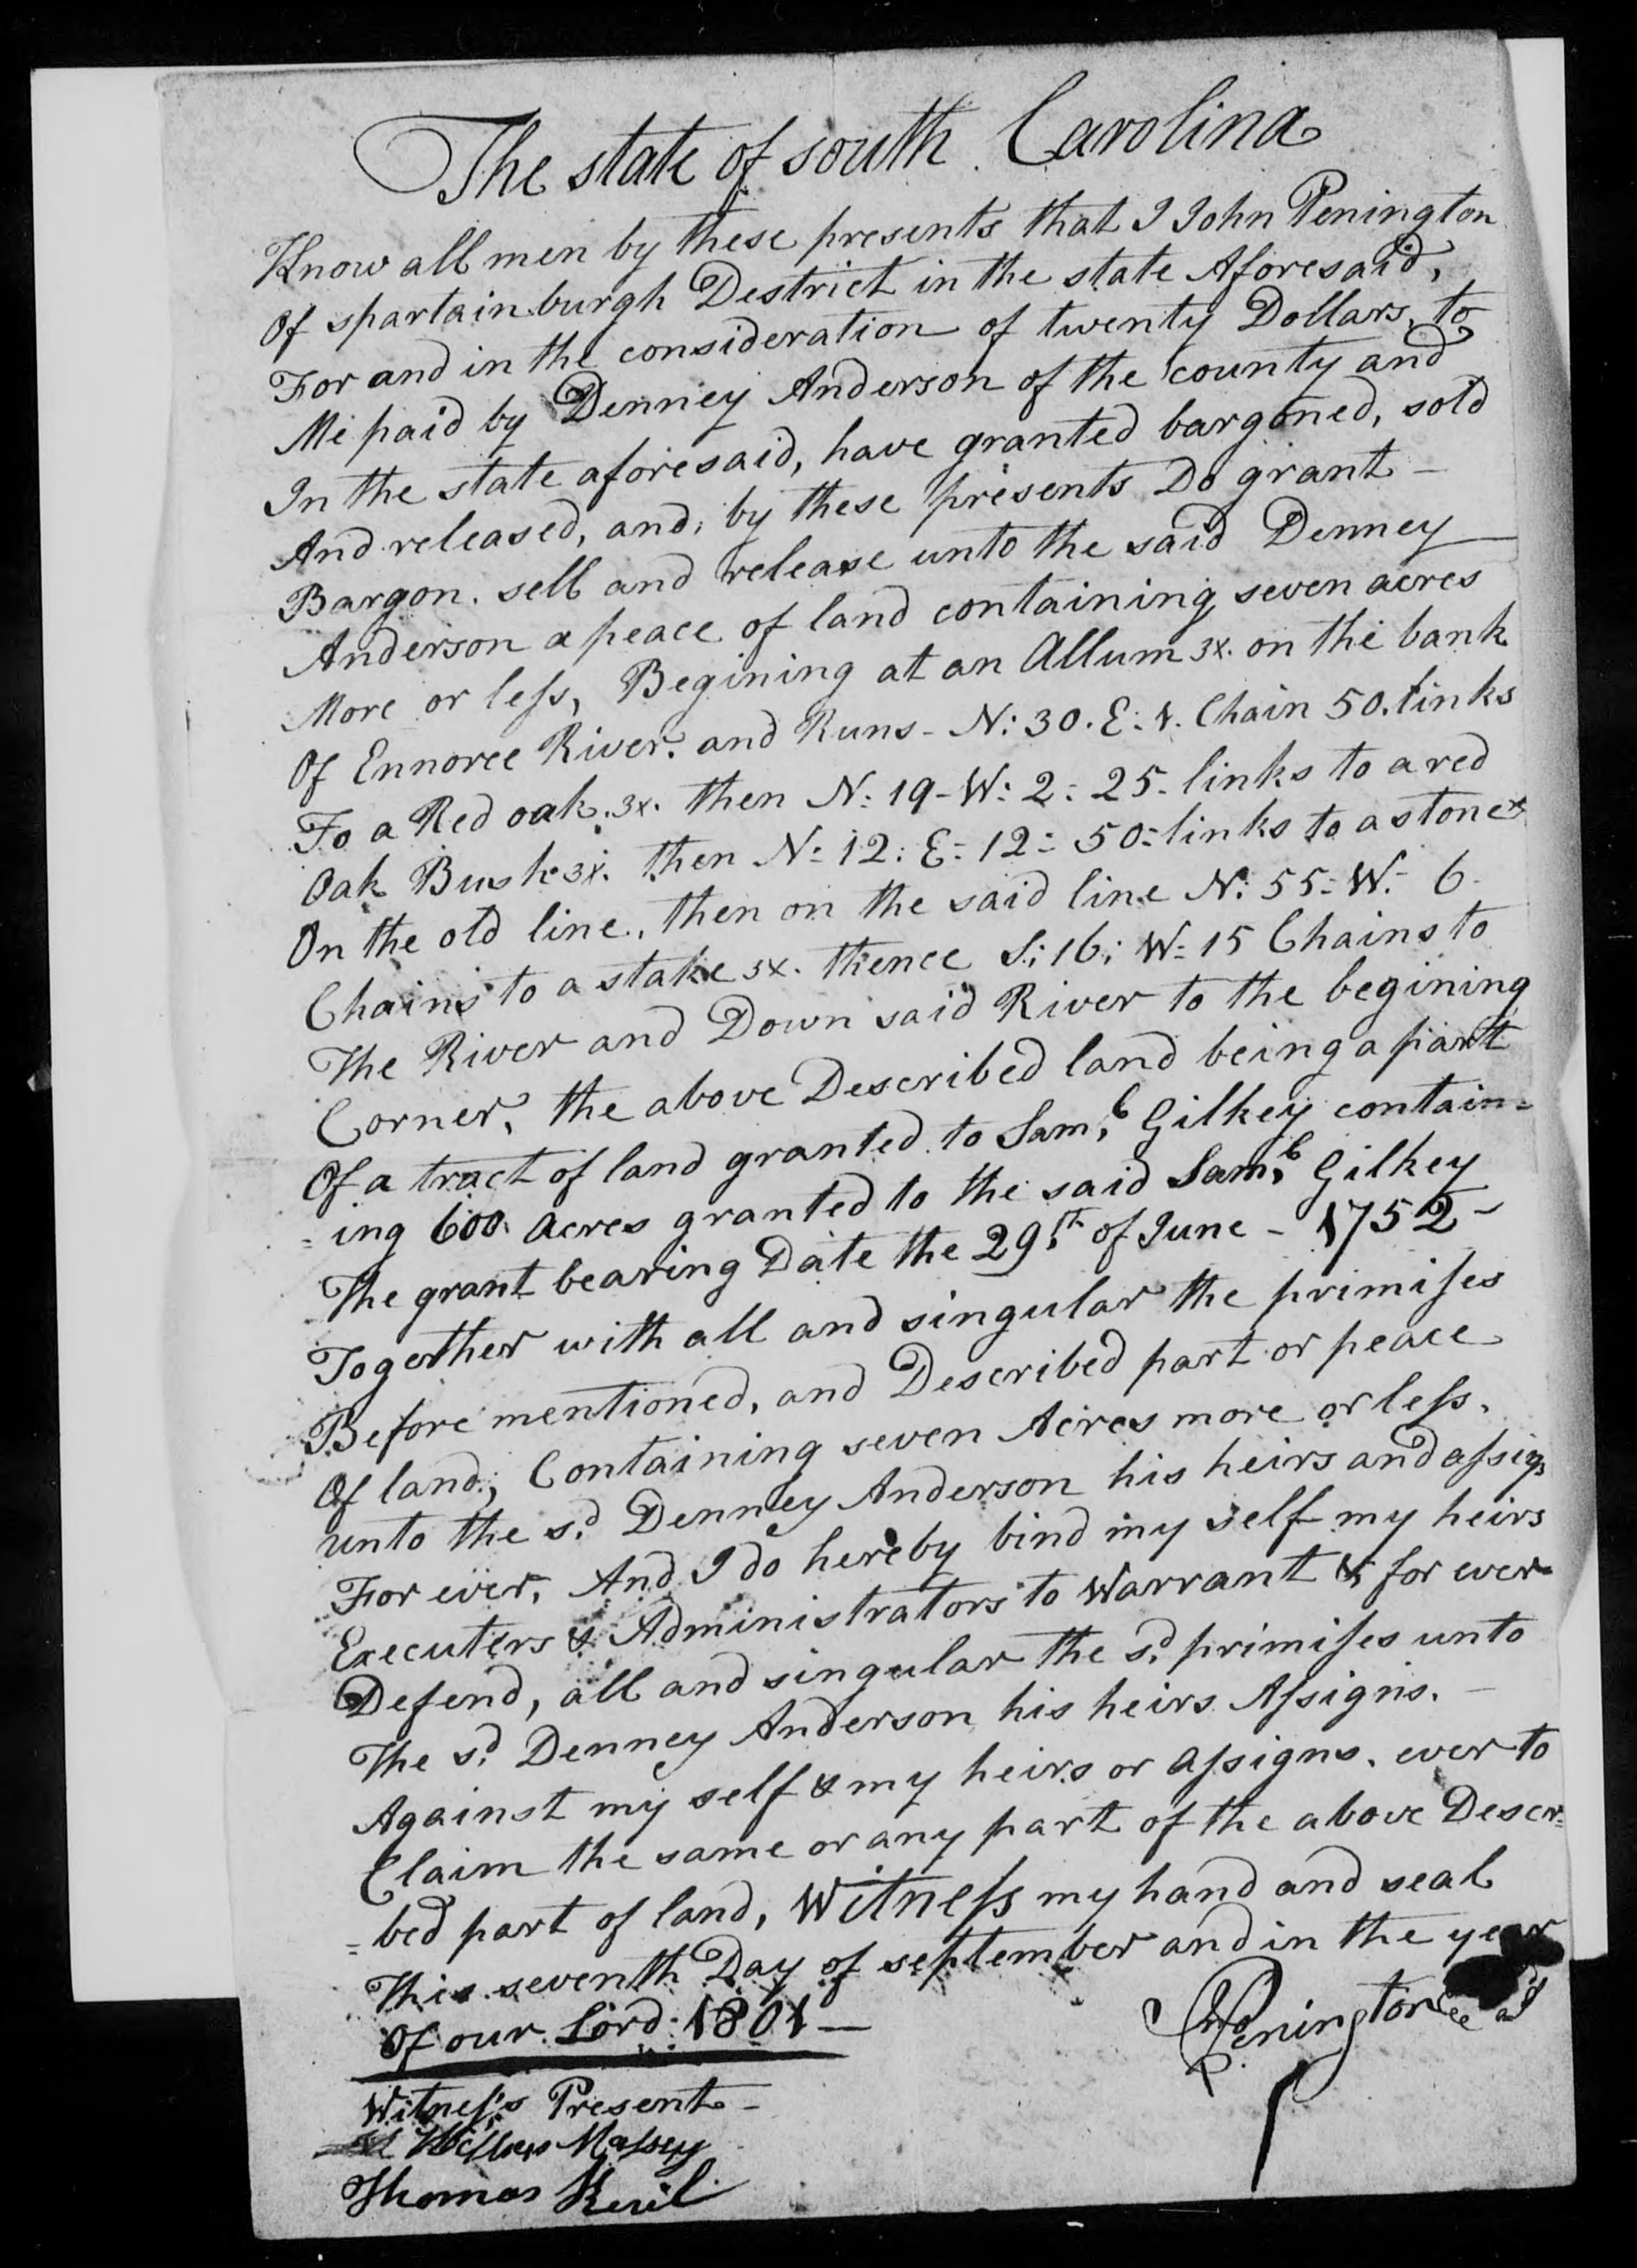The State of South Carolina
Know all men by these presents that I John Penington of Spartanburgh District in the state aforesaid, for and in the consideration of twenty dollars to me paid by Denney Anderson of the county and In the State aforesaid, have granted bargoned, sold and released, and, by these presents Do grant bargon, sell and release unto the said Denney Anderson a peace of land containing seven acres more or less, Begining at an Allum 3x. on the bank of Ennoree River. and Runs - N:30.E:1 Chain 50 links to a Red oak, 3x. then N:19.W:2: 25 links to a red Oak Bush 3x. then N:12.E:12 50 links to a stone x on the old line, then on the said line N:55.W:6 Chains to a stake 3x thence S:16.W:15 chains to the River and down said River to the begining Corner, the above described land being a part of a tract of land granted to Saml. Gilkey containing 600 acres granted to the said Saml. Gilkey the grant bearing date the 29th of June - 1752 Together with all and singular the primisses Before mentioned, and described part or peace of land, containing seven Acres more or less, unto the sd. Denney Anderson his heirs and assigs Forever. And I do hereby bind myself my heirs Executors & Administrators to warrant & for ever Defend, all and singular the sd. primisses unto the sd. Denney Anderson his heirs assigns.
Against my self & my heirs or assigns, ever to claim the same or any part of the above described part of land, Witness my hand and seal this seventh day of September and in the year of our Lord 1801
Jno. Penington
Witness's Present
William Massey
Thomas Keril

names: Saml Gilkey, Denney Anderson, Thomas Keril, Willys Massey, Saml Gilkey, Denney Anderson, John Penington, Denney Anderson, Denney Anderson, J Penington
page: 32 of 51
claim: widow's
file: W. 9700, Denney Anderson, S.C.